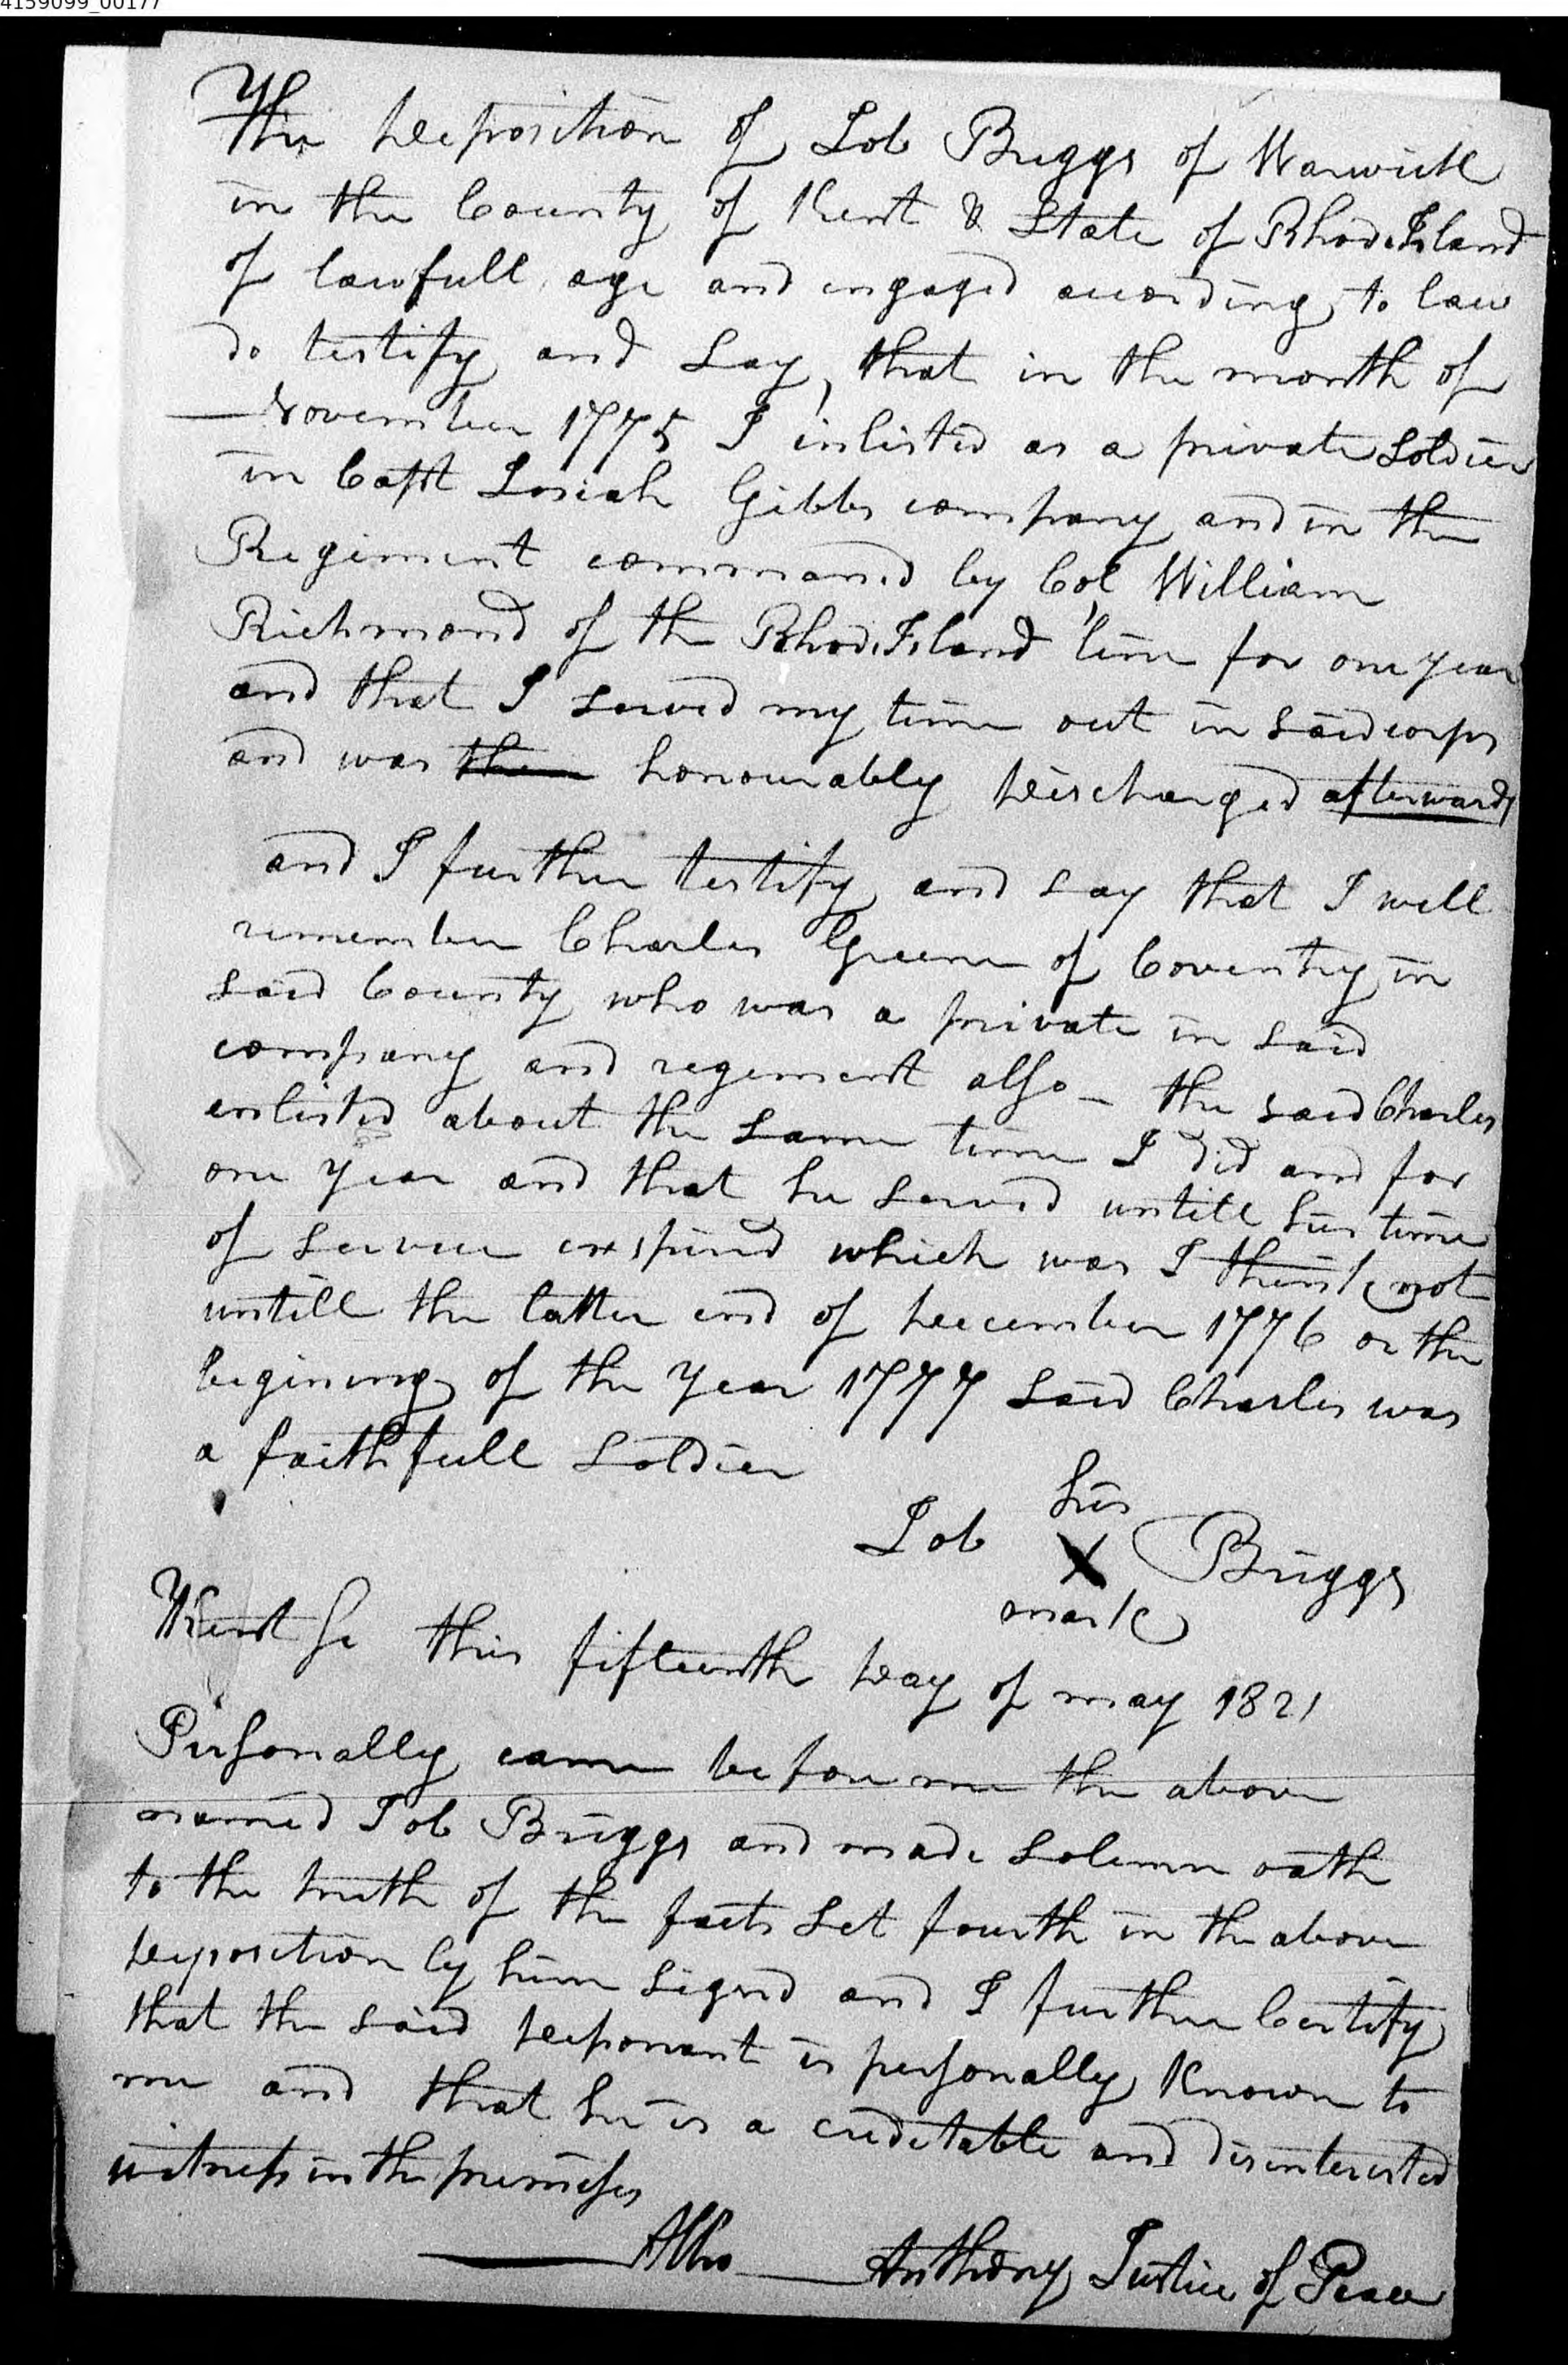The deposition of Job Briggs of Warwick in the County of Kent & State of Rhode Island of lawfull age and engaged according to law do testify and say, that in the month of November 1775 I inlisted as a private Soldier in Capt Josiah Gibbs company and in the Regiment commanded by Col William Richmond of the Rhode Island line for one year and that I loved my time out in said corps and was honorably discharged afterward and I further testify and say that I well remember Charles Greene of Coventry in said County who was a private in said company and regiment also - the said Charles enlisted about the same time I did and for one year and that he served until the latter end of December 1776 or the beginning of the year 1777 Said Charles was a faithful Soldier
Job Briggs X his mark

Kent this fifteenth Day of May 1821 personally came before me the above named Job Briggs and made solemn oath to the facts set fourth in the above deposition by him signed and I futher certify that the said informant is personally known to me and that he is a creditable and disinterested witness in the principles. 
Albro Anthony Justice of Peace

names: Charles, William Richmond, Job Briggs, Albro Anthony, Charles Greene, Job Briggs, Charles, Job Briggs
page: 5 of 20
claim: survivor's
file: S. 38755, Charles Greene, R.I.